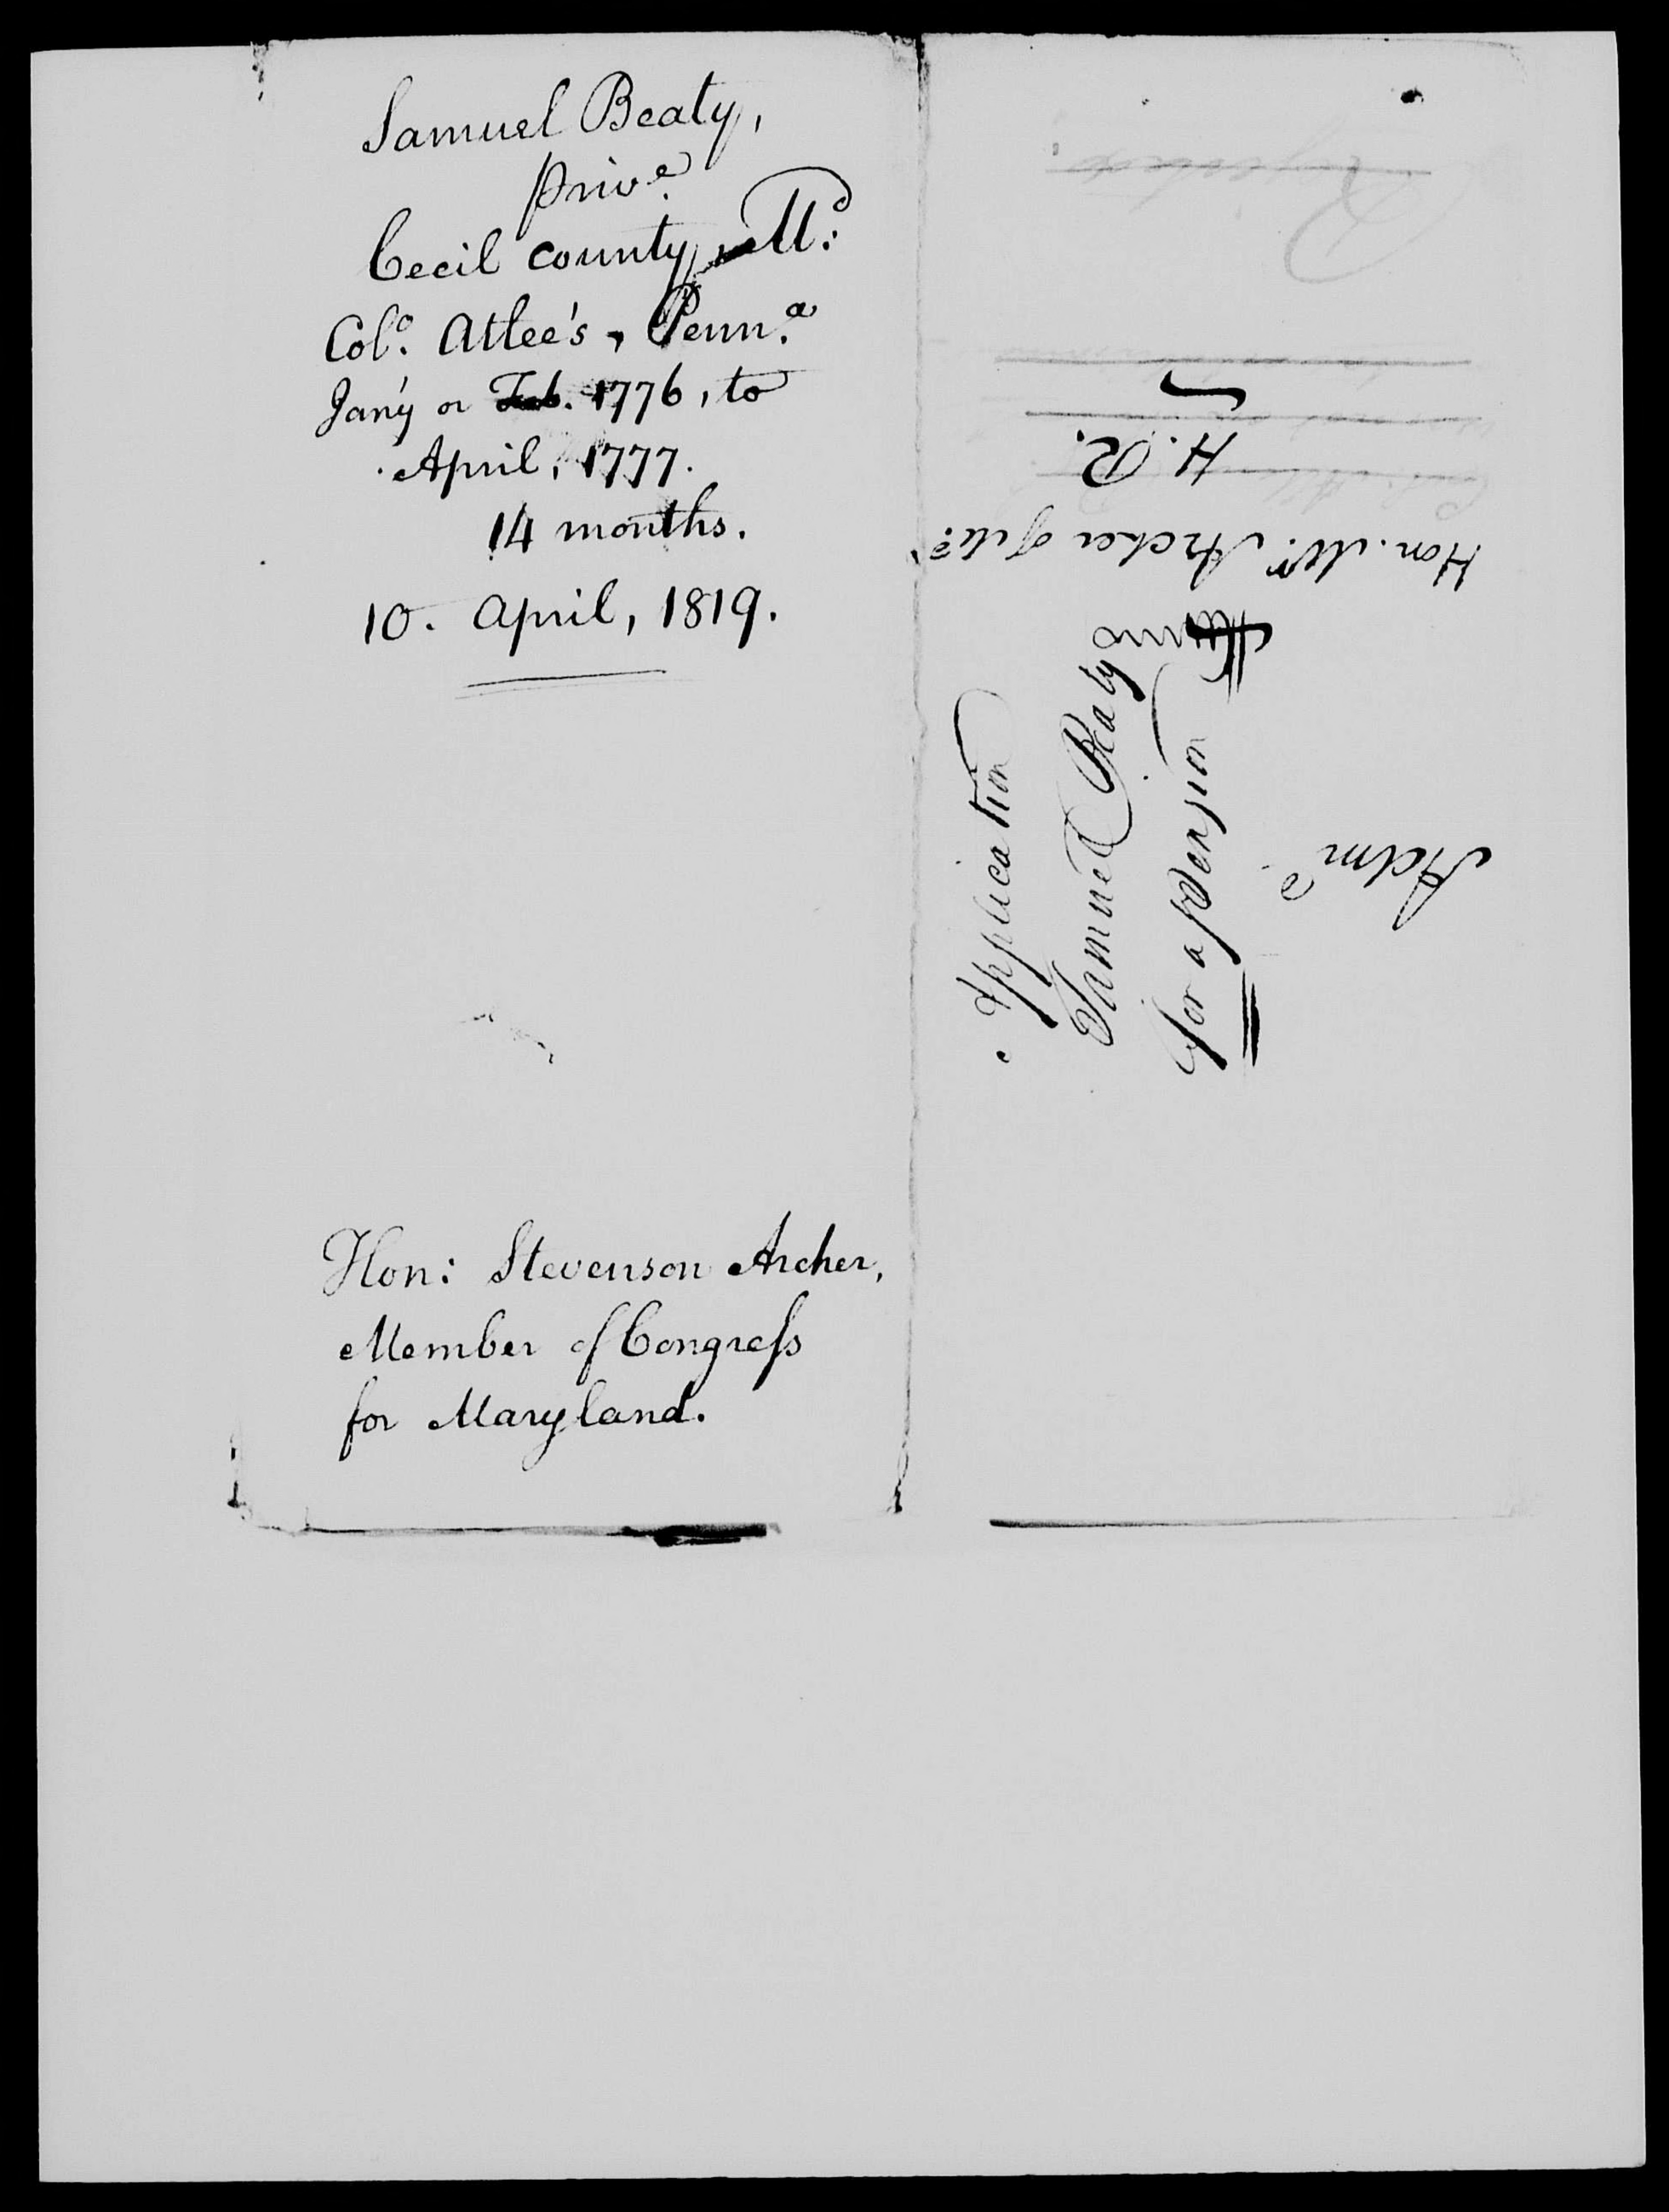Samuel Beaty
Privet
Cecil County MD
Col Atlee's, Penna
Jan'y or Feb 1776 to
April 1777
14 Months
10 April 1819Hon: Stevenson Archer
Member of Congress
for Maryland

Application
Samuel Beaty
for a pension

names: Archer, Stevenson Archer, Samuel Beaty, Samuel Beaty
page: 3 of 31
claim: survivor's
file: S. 34646, Samuel Beaty, Penn.